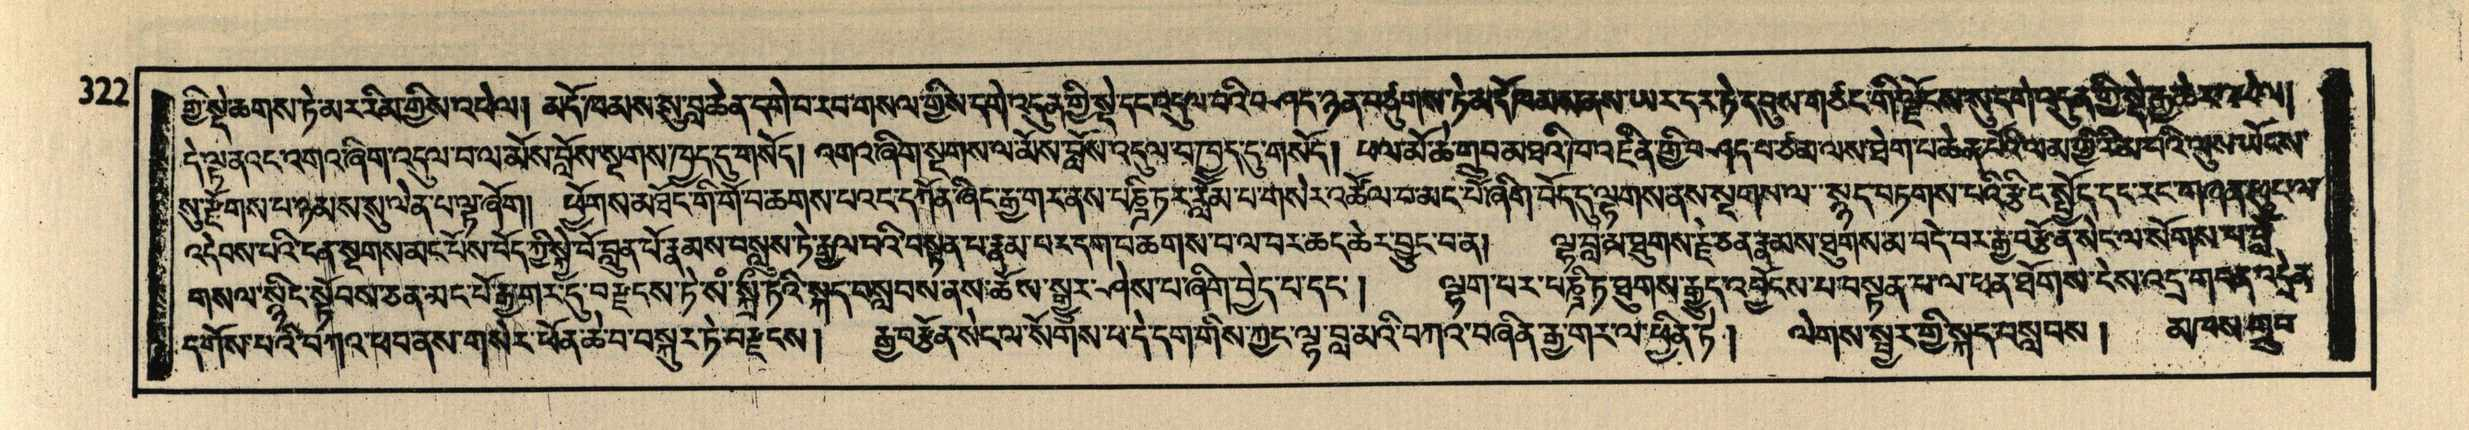གྱི་སྡེ་ཆགས་ཏེ་མར་རིམ་གྱིས་འཕེལ། མདོ་ཁམས་སུ་བླ་ཆེན་དགེ་བ་རབ་གསལ་གྱིས་དགེ་འདུན་གྱི་སྡེ་དང་འདུལ་བའི་བཤད་ཉན་བཙུགས་ཏེ་མདོ་ཁམས་ནས་ཡར་དར་ཏེ་དབུས་གཙང་གི་ལྗོངས་སུ་དགེ་འདུན་གྱི་སྡེ་རྒྱ་ཆེར་འཕེལ།
དེ་ལྟ་ནའང་འགའ་ཞིག་འདུལ་བ་ལ་མོས་བློས་སྔགས་ཁྱད་དུ་གསོད། འགའ་ཞིག་སྔགས་ལ་མོས་བློས་འདུལ་བ་ཁྱད་དུ་གསོད། ཕལ་མོ་ཆེ་གྲུབ་མཐའི་ཁ་འཛིན་གྱི་བཤད་པ་ཙམ་ལས་ཐེག་པ་ཆེན་པོའི་ལམ་གྱི་རིམ་པའི་ལུས་ཡོངས་
སུ་རྫོགས་པ་ཉམས་སུ་ལེན་པ་ལྟ་ཞོག། ཕྱོགས་མཐོང་གི་གོ་བ་ཆགས་པའང་དཀོན་ཞིང་རྒྱ་གར་ནས་པཎྜི་ཏར་རློམ་པ་གསེར་འཚོལ་བ་མང་པོ་ཞིག་བོད་དུ་ལྷགས་ནས་སྔགས་ལ་སྙད་བཏགས་པའི་རྩིང་སྤྱོད་དང་རང་གཞན་ཕུང་ལ་
འདེབས་པའི་ངན་སྔགས་མང་པོས་བོད་ཀྱི་སྐྱེ་བོ་བླུན་པོ་རྣམས་བསླུས་ཏེ་རྒྱལ་བའི་བསྟན་པ་རྣམ་པར་དག་བ་ཆགས་བ་ལ་བར་ཆད་ཆེར་བྱུང་བ་ན། ལྷ་བླ་མ་ཐུགས་རྗེ་ཅན་རྣམས་ཐུགས་མ་བདེ་བར་རྒྱ་བརྩོན་སེང་ལ་སོགས་པ་བློ་
གསལ་སྙིང་སྟོབས་ཅན་མང་པོ་རྒྱ་གར་དུ་བརྫངས་ཏེ་སཾ་སྐྲྀ་ཏའི་སྐད་བསླབས་ནས་ཆོས་སྒྱུར་ཤེས་པ་ཞིག་བྱེད་པ་དང་། ལྷག་པར་པཎྜི་ཏ་ཐུགས་རྒྱུད་འབྱོངས་པ་བསྟན་པ་ལ་ཕན་ཐོགས་ངེས་འདྲ་གྦན་འདྲེན་
དགོས་པའི་བཀའ་ཕབ་ནས་གསེར་ཕོན་ཆེ་བ་བསྐུར་ཏེ་བརྫངས། རྒྱ་བརྩོན་སེང་ལ་སོགས་པ་དེ་དག་གིས་ཀྱང་ལྷ་བླ་མའི་བཀའ་བཞིན་རྒྱ་གར་ལ་ཕྱིན་ཏེ། ལེགས་སྦྱར་གྱི་སྐད་བསླབས། མཁས་གྲུབ་